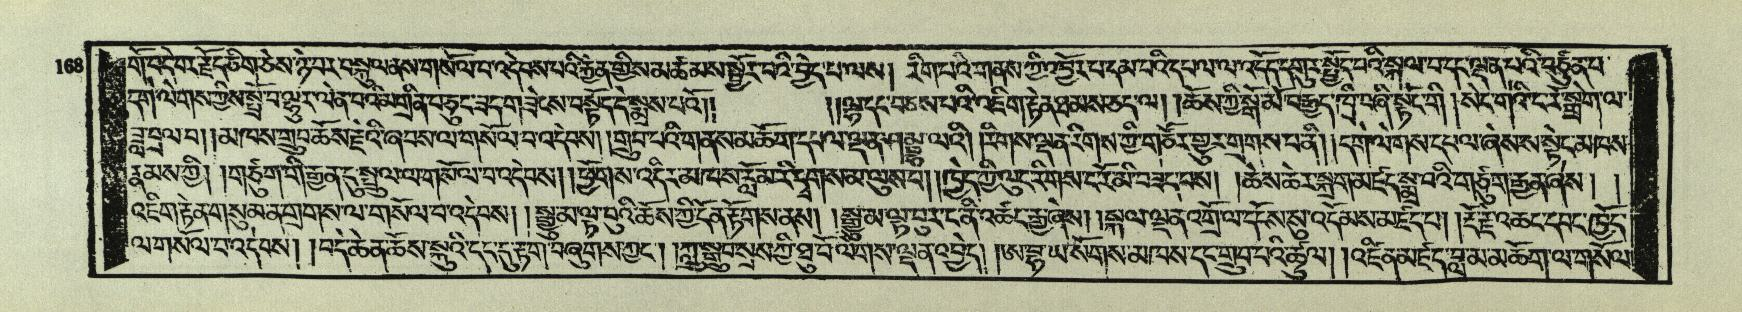གོ་བདེ་བར་རྗོད་ཅིག་ཅེས་ཉེ་བར་བསྐུལ་ནས་གསོལ་བ་འདེབས་པའི་རྐྱེན་གྱིས་མཚམས་སྦྱོར་བའི་བྱེད་པ་ལས། རིག་པའི་གནས་ཀྱི་འབྱོར་པ་དམ་པའི་དཔལ་ལ་འདོད་དགུར་སྤྱོད་པའི་སྐལ་བ་དང་ལྡན་པའི་བཙུན་པ་
དགེ་ལེགས་ཀྱིས་སྤྲོ་བ་ལྷུར་ལེན་བའི་མགྲིན་པ་ཅུང་ཟད་གཟེངས་བསྟོད་དེ་སྨྲས་པའོ།། །།ལྷ་དང་བཅས་པའི་འཇིག་རྟེན་ཐམས་ཅད་ལ། །ཆོས་ཀྱི་སྒོ་མོ་བརྒྱུད་ཁྲི་བཞི་སྟོང་གི །སེང་གེའི་ང་རོ་སྒྲེག་ལ་
ཟླ་བྲལ་བ། །མཁས་གྲུབ་ཆོས་རྗེའི་ཞབས་ལ་གསོལ་བ་འདེབས། །གྲུབ་པའི་གནས་མཆོག་དཔལ་ལྡན་ཤམྦྷ་ལའི། །རིགས་ལྡན་རིགས་ཀྱི་གཙོར་གྱུར་གྲགས་པ་ནི། །དགེ་ལེགས་དཔལ་ཞེས་ས་སྟེང་མཁས་
རྣམས་ཀྱི། །གཙུག་གི་རྒྱན་དུ་སྤྲུལ་ལ་གསོལ་བ་འདེབས། །ཕྱོགས་འདིར་མཁས་རློམ་རི་དྭགས་མ་ལུས་པ། །ཁྱེད་ཀྱི་ལུང་རིགས་ང་རོ་མི་བཟད་པས། །ཆེས་ཆེར་སྐྲག་མཛད་སྨྲ་བའི་གཙུག་རྒྱན་ཞེས། །
འཇིག་རྟེན་གསུམ་ན་གྲགས་ལ་གསོལ་བ་འདེབས། །སྒྱུ་མ་ལྟ་བུའི་ཆོས་ཀྱི་དོན་རྟོགས་ནས། །སྒྱུ་མ་ལྟ་བུར་ང་ནི་འཚང་རྒྱ་ཞེས། །སྐལ་ལྡན་འགྲོ་ལ་དངོས་སུ་འདོམས་མཛད་པ། །རྡོ་རྗེ་འཆང་དབང་ཁྱོད་
ལ་གསོལ་བ་འདེབས། །བདེ་ཆེན་ཆོས་སྐུའི་དང་དུ་རྟག་བཞུགས་ཀྱང་། །ཀླུ་སྒྲུབ་སྲས་ཀྱི་ཐུ་བོ་ལེགས་ལྡན་འབྱེད། །ཨ་བྷ་ཡ་སོགས་མཁས་དང་གྲུབ་པའི་ཚུལ། །འཛིན་མཛད་བླ་མ་མཆོག་ལ་གསོལ་